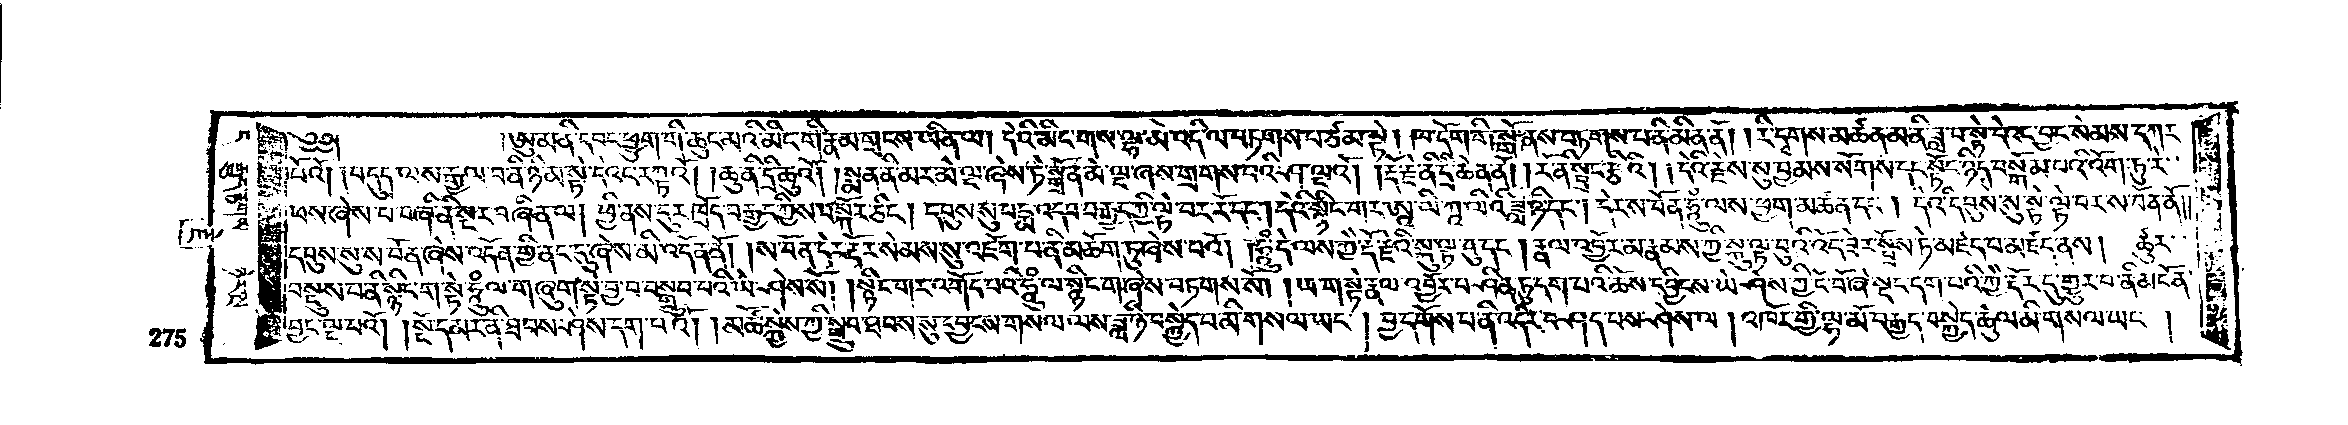༄༅། །ཨུ་མ་ནི་དབང་ཕྱུག་གི་ཆུང་མའི་མིང་གི་རྣམ་གྲངས་ཡིན་ལ། དེའི་མིང་གས་ལྷ་མེ་འདི་ལ་བཏགས་པ་ཙམ་སྟེ། ཁ་དོག་གི་སྒོ་ནས་བཏགས་པ་ནི་མིན་ནོ། །རི་དྭགས་མཚན་མ་ནི་ཟླ་བ་སྟེ་དེའང་བྱང་སེམས་དཀར་
པོའོ། །བདུད་ལས་རྒྱལ་བ་ནི་ཉི་མ་སྟེ་དེའང་རཀྟའོ། །ཆུ་ནི་དྲི་ཆུའོ། །སྨན་ནི་མར་མེ་ལྔ་ཞེས་ཏེ་སྒྲོན་མེ་ལྔ་ཞེས་གྲགས་པའི་ཤ་ལྔའོ། །རྡོ་རྗེ་ནི་དྲི་ཆེན་ནོ། །རོ་ནི་སྦྲང་རྩིའི། །དེའི་རྗེས་སུ་བྱམས་སོགས་དང་སྟོང་ཉིད་བསྒོམ་པའི་འོག་ཏུ་རེ་
ཕས་ཞེས་པ་བཞི་ནི་སྔར་བཞིན་ལ། ཕྱི་ནས་དུར་ཁྲོད་བརྒྱད་ཀྱིས་བསྐོར་ཅིང་། དབུས་སུ་པདམ་འདབ་བརྒྱད་ཀྱི་ལྟེ་བར་རོ་དང་། དེའི་སྙིང་གར་ཨཱ་ལི་ཀཱ་ལིའི་ཟླ་ཉིད་དང་། དེར་ས་བོན་ཧཱུཾ་ལས་ཕྱག་མཚན་དང་། དེའི་དབུས་སུ་སྟེ་ལྟེ་བར་ས་བོན་ནོ། །
དབུས་སུ་ས་བོན་ཞེས་འདོན་གྱི་ནང་དུ་ཞེས་མི་འདོན་ནོ། །ས་བོན་དེར་རྡོར་སེམས་སུ་འཇོག་པ་ནི་མཆོག་ཏུ་ཞེས་པའོ། །ཧཱུཾ་དེ་ལས་ཀྱཻ་རྡོ་རྗེའི་སྐུ་ལྟ་བུ་དང་། རྣལ་འབྱོར་མ་རྣམས་ཀྱི་སྐུ་ལྟ་བུའི་འོད་ཟེར་སྤྲོས་ཏེ་མཛད་པ་མཛད་ནས། ཚུར་
བསྡུས་པ་ནི་སྙིང་ག་སྟེ་ཧཱུཾ་ལ་གཞུག་སྟེ་བྱ་བ་བསྒྲུབ་པའི་ཡེ་ཤེས་སོ། །སྙིང་གར་འགོད་པའི་ཧཱུཾ་ལ་སྙིང་ག་ཞེས་བཏགས་སོ། །ཡི་གེ་སྟེ་རྣལ་འབྱོར་པ་ཤིན་ཏུ་དག་པའི་ཆོས་དབྱིངས་ཡེ་ཤེས་ཀྱི་ངོ་བོ་ཞེ་སྡང་དག་པའི་ཀྱཻ་རྡོར་དུ་གྱུར་བ་ནི་མངོན་
བྱང་ལྔ་པའོ། །སྔོ་དམར་ནི་ཐབས་ཤེས་དག་པའོ། །མཚོ་སྐྱེས་ཀྱི་སྒྲུབ་ཐབས་སུ་དབྱངས་གསལ་ལས་ཟླ་ཉི་བསྐྱེད་པ་མི་གསལ་ཡང་། བྱ་དགོས་པ་ནི་འདིར་བཤད་པས་ཤེས་ལ། འཁོར་གྱི་ལྷ་མོ་བརྒྱད་བསྐྱེད་ཚུལ་མི་གསལ་ཡང་།